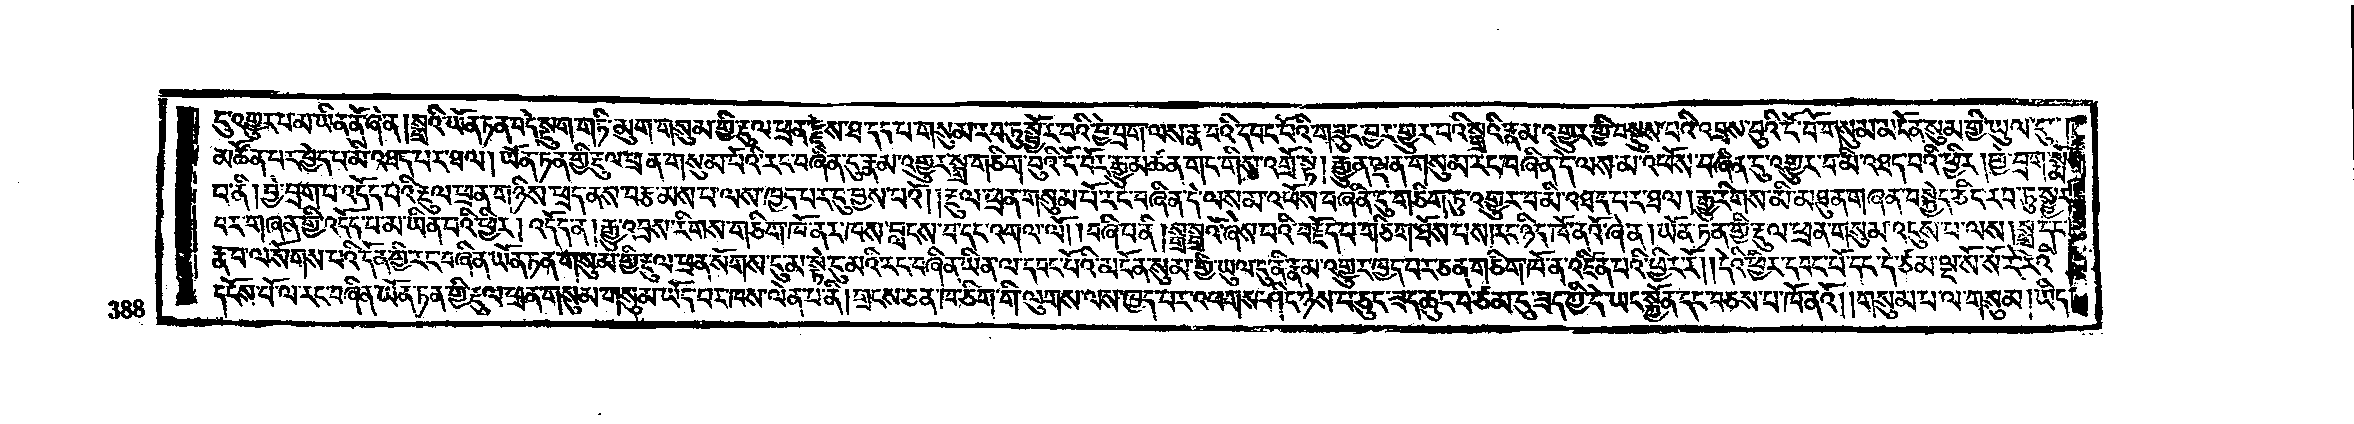དུ་འགྱུར་པ་མ་ཡིན་ནོ་ཞེ་ན། སྒྲའི་ཡོན་ཏན་བདེ་སྡུག་གཏི་མུག་གསུམ་གྱི་རྡུལ་ཕྲན་རྫས་ཐ་དད་པ་གསུམ་རབ་ཏུ་སྦྱོར་བའི་བྱེ་བྲག་ལས་རྣ་བའི་དབང་པོའི་གཟུང་བྱར་གྱུར་པའི་སྒྲའི་རྣམ་འགྱུར་གྱི་བསྡུས་པའི་འབྲས་བུའི་ངོ་བོ་གསུམ་མངོན་སུམ་གྱི་ཡུལ་དུ་
མཚོན་པར་བྱེད་པ་མི་འཐད་པར་ཐལ། ཡོན་ཏན་གྱི་རྡུལ་ཕན་གསུམ་པོའི་རང་བཞིན་དུ་རྣམ་འགྱུར་སྒྲ་གཅིག་བུའི་ངོ་བོར་གྱུ་མཚན་གང་གིས་འགྲོ་སྟེ། རྒྱུན་ལྡན་གསུམ་རང་བཞིན་དེ་ལས་མ་འཕོས་བཞིན་དུ་འགྱུར་པ་མི་འཐད་པའི་ཕྱིར། བྱེ་བྲག་སྨོས་
པ་ནི། བྱེ་བྲག་པ་འདོད་པའི་རྡུལ་ཕྲན་གཉིས་ཕྲད་ནས་བརྩམས་པ་ལས་ཁྱད་པར་དུ་བྱས་པའོ། །རྡུལ་ཕན་གསུམ་པོ་རང་བཞིན་དེ་ལས་མ་འཕོས་བཞིན་དུ་གཅིག་ཏུ་འགྱུར་པ་མི་འཐད་པར་ཐལ། རྒྱུ་རིགས་མི་མཐུན་གཞན་བསྐྱེད་ཅིང་རབ་ཏུ་སྦྱར་
བར་གཞན་གྱི་འདོད་པ་མ་ཡིན་པའི་ཕྱིར། འདོད་ན། རྒྱུ་འབྲས་རིགས་གཅིག་ཁོ་ནར་ཁས་བླངས་པ་དང་འགལ་ལོ། །བཞི་པ་ནི། སྒྲ་སྒྲའོ་ཞེས་པའི་བརྗོད་པ་གཅིག་ཐོས་པས། རང་ཉིད་ཁོ་ནའོ་ཞེ་ན། ཡོན་ཏན་གྱི་རྡུལ་ཕན་གསུམ་འདུས་པ་ལས། སྒྲ་དང་
རྣ་བ་ལ་སོགས་པའི་དོན་གྱི་རང་བཞིན་ཡོན་ཏན་གསུམ་གྱི་རྡུ་ཕྲན་སོགས་དུ་མ་སྟེ་དུ་མའི་རང་བཞིན་ཡིན་ལ་དབང་པོའི་མངོན་སུམ་གྱི་ཡུལ་དུ་ནི་རྣམ་འགྱུར་ཁྱད་པར་ཅན་གཅིག་ཁོ་ན་འཛིན་པའི་ཕྱིར་རོ། །དེ་ཕྱིར་དབང་པོ་དང་དེ་ཙམ་ལྔ་སོ་སོ་རེ་རེའི་
དངོས་པོ་ལ་རང་བཞིན་ཡོན་ཏན་གྱི་རྡུལ་ཕྲན་གསུམ་གསུམ་ཡོད་པར་ཁས་ལེན་པ་ནི། གྲང་ཅན་ཁ་ཅིག་གི་ལུགས་ལས་ཁྱད་པར་འཕགས་ཤིང་ཉེས་པ་ཅུང་ཟད་ཆུང་བ་ཙམ་དུ་ཟད་ཀྱི་དེ་ཡང་སྐྱོན་དང་བཅས་པ་ཁོ་ནའོ། །གསུམ་པ་ལ་གསུམ། ཡིད་